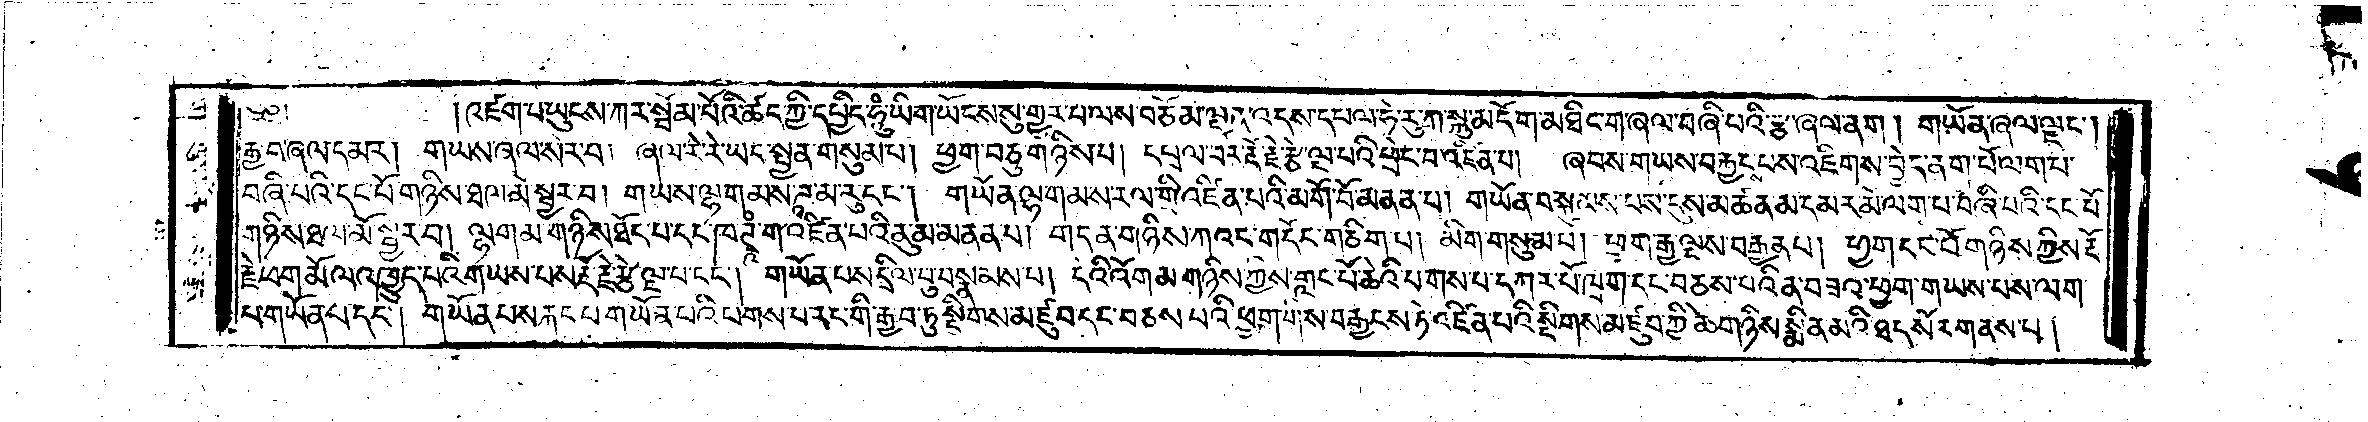༄༅། །འཛག་པ་ཡུངས་ཀར་སྦོམ་པོའི་ཚད་ཀྱི་དཔྱིད་ཧཱུཾ་ཡིག་ཡོངས་སུ་གྱུར་པ་ལས་བཅོམ་ལྡན་འདས་དཔལ་ཧེ་རུ་ཀ་སྐུ་མདོག་མཐིང་གཞལ་བཞི་པའི་རྩ་ཞལ་ནག། གཡོན་ཞལ་ལྡང་།
རྒྱ་བ་ཞལ་དམར། གཡས་ཞལ་སེར་བ། ཞལ་རེ་རེ་ཡང་སྤྱན་གསུམ་པ། ཕྱག་བཅུ་གཉིས་པ། དཔྲལ་བར་རྡོ་རྗེ་རྩེ་ལྔ་པའི་ཕྲེང་བ་འཛིན་པ། ཞབས་གཡས་བརྐྱངས་པས་འཇིགས་བྱེད་ནག་པོ་ལག་པ་
བཞི་པའི་དང་པོ་གཉིས་ཐལ་མེ་སྦྱར་བ། གཡས་ལྷག་མས་ཌཱ་མ་རུ་དང་། གཡོན་ལྷག་མས་རལ་གྲི་འཛིན་པའི་མགོ་བོ་མནན་པ། གཡོན་བསྐུམས་པས་དུས་མཚན་མ་དམར་མེ་ལག་པ་བཞི་པའི་དང་པོ་
གཉིས་ཐལ་མོ་སྦྱར་བ། ལྷག་མ་གཉིས་ཐོད་པ་དང་ཁ་ཊྭཱཾ་ག་འཛིན་པའི་ནུ་མ་མནན་པ། གདན་གཉིས་ཀའང་གདོང་གཅིག་པ། མིག་གསུམ་པ། ཕྱག་རྒྱ་ལྔས་བརྒྱན་པ། ཕྱག་དང་པོ་གཉིས་ཀྱིས་རྡོ་
རྗེ་ཕག་མོ་ལ་འཁྱུད་པའི་གཡས་པས་རྡོ་རྗེ་རྩེ་ལྔ་པ་དང་། གཡོན་པས་དྲིལ་པུ་པ་སྣམས་པ། དེའི་འོག་མ་གཉིས་ཀྱིས་གླང་པོ་ཆེའི་པགས་པ་དཀར་པོ་ཁྲག་དང་བཅས་པའི་ན་བཟའ་ཕྱག་གཡས་པས་ལག་
པ་གཡོན་པ་དང་། གཡོན་པས་རྐང་པ་གཡོན་པའི་པགས་པ་རང་གི་རྒྱབ་ཏུ་སྡིགས་མཛུབ་དང་བཅས་པའི་ཕྱག་གིས་བརྒྱངས་ཏེ་འཛིན་པའི་སྡིགས་མཛུབ་ཀྱི་ཆེ་གཉིས་སྨིན་མའི་ཐད་སོར་གནས་པ།